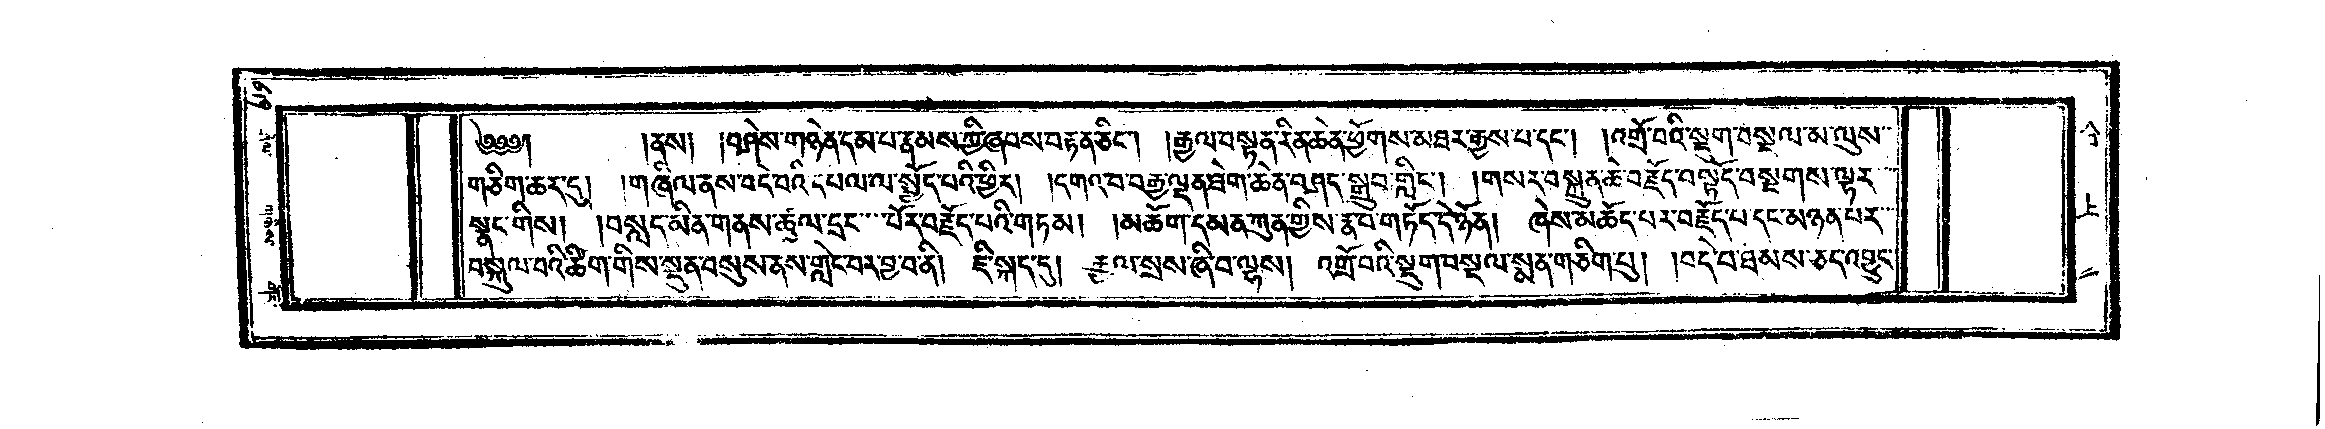༄༅༅། །ནས༑ ༑བཤེས་གཉེན་དམ་པ་རྣམས་ཀྱི་ཞབས་བརྟན་ཅིང་། །རྒྱལ་བསྟན་རིན་ཆེན་ཕྱོགས་མཐར་རྒྱས་པ་དང་། །འགྲོ་བའི་སྡུག་བསྔལ་མ་ལུས་
གཅིག་ཆར་དུ། །གཞིལ་ནས་བདེ་བའི་དཔལ་ལ་སྤྱོད་པའི་ཕྱིར། །དགའ་བ་བརྒྱ་ལྡན་ཐེག་ཆེན་བཤད་སྒྲུབ་གླིང་། །གསར་བསྐྲུན་ཆེ་བརྗོད་བསྟོད་བསྔགས་ལྟར་
སྣང་གིས། །བསླད་མིན་གནས་ཚུལ་དྲང་པོར་བརྗོད་པའི་གཏམ། །མཆོག་དམན་ཀུན་གྱིས་རྣ་བ་གཏོད་དེ་ཉོན། ཞེས་མཆོད་པར་བརྗོད་པ་དང་མཉན་པར་
བསྐུལ་བའི་ཚིག་གིས་སྡུན་བསུས་ནས་གླེང་བར་བྱ་བ་ནི། ཇི་སྐད་དུ། རྒྱལ་སྲས་ཞི་བ་ལྷས། འགྲོ་བའི་སྡུག་བསྔལ་སྨན་གཅིག་པུ། །བདེ་བ་ཐམས་ཅད་འབྱུང་